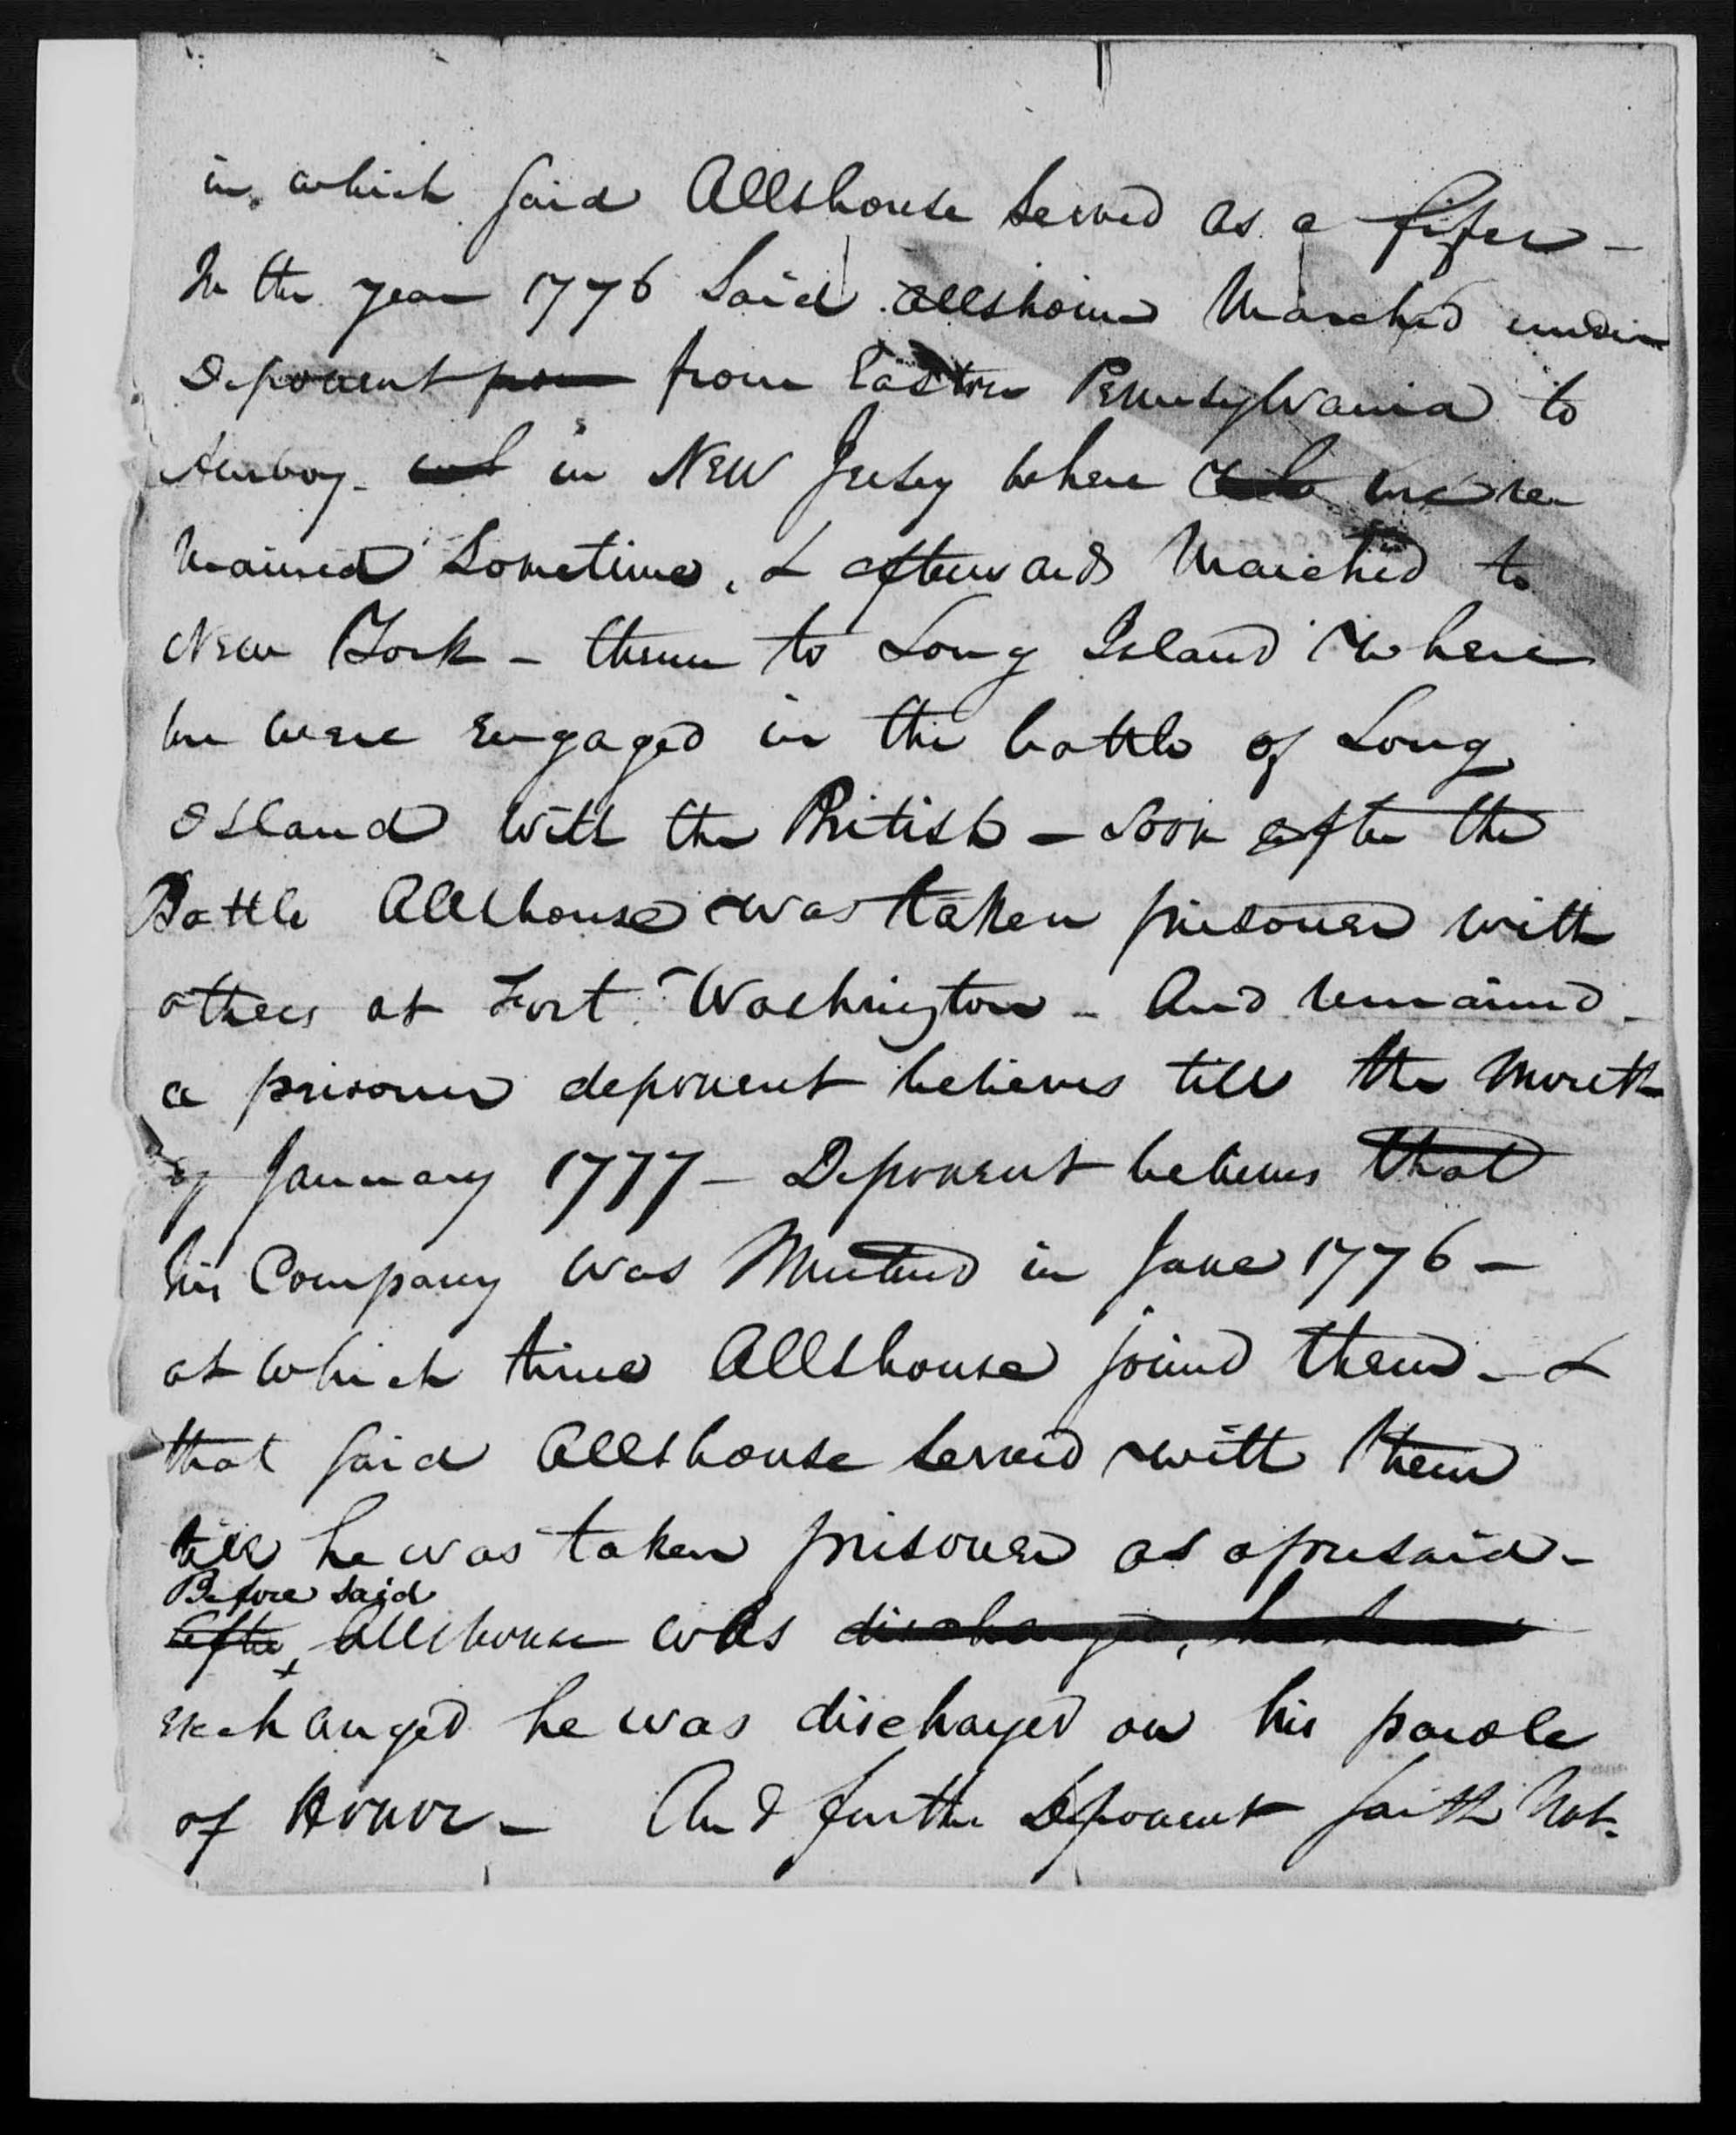in which said Allshouse served as a fifer -
In the year 1776 Said also marched under
Deponent on from Easton Pennsylvania to
Amboy in New Jersey where we remained sometime afterwards Marched to New York - thence to Long Island where we were engaged in the battle of Long Island with the British. Soon after the Battle Allshouse was taken prisoner with
others at Fort Washington. and remained a prisoner deponent believes till the month
by January 1777 - Deponent believes that
his company was mustered in June 1776-at which time Allshouse joined them. that
said Allshouse served with them when he was taken prisoner as aforesaid-Before said Allshouse was exchanged he was discharged on his parole of Honor-And further Deponent saith not.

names: Allshouse, Allshouse, Allshouse, Allshouse, Allshouse, Allshouse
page: 14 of 24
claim: survivor's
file: S. 2032, Henry Allshouse, Penn.